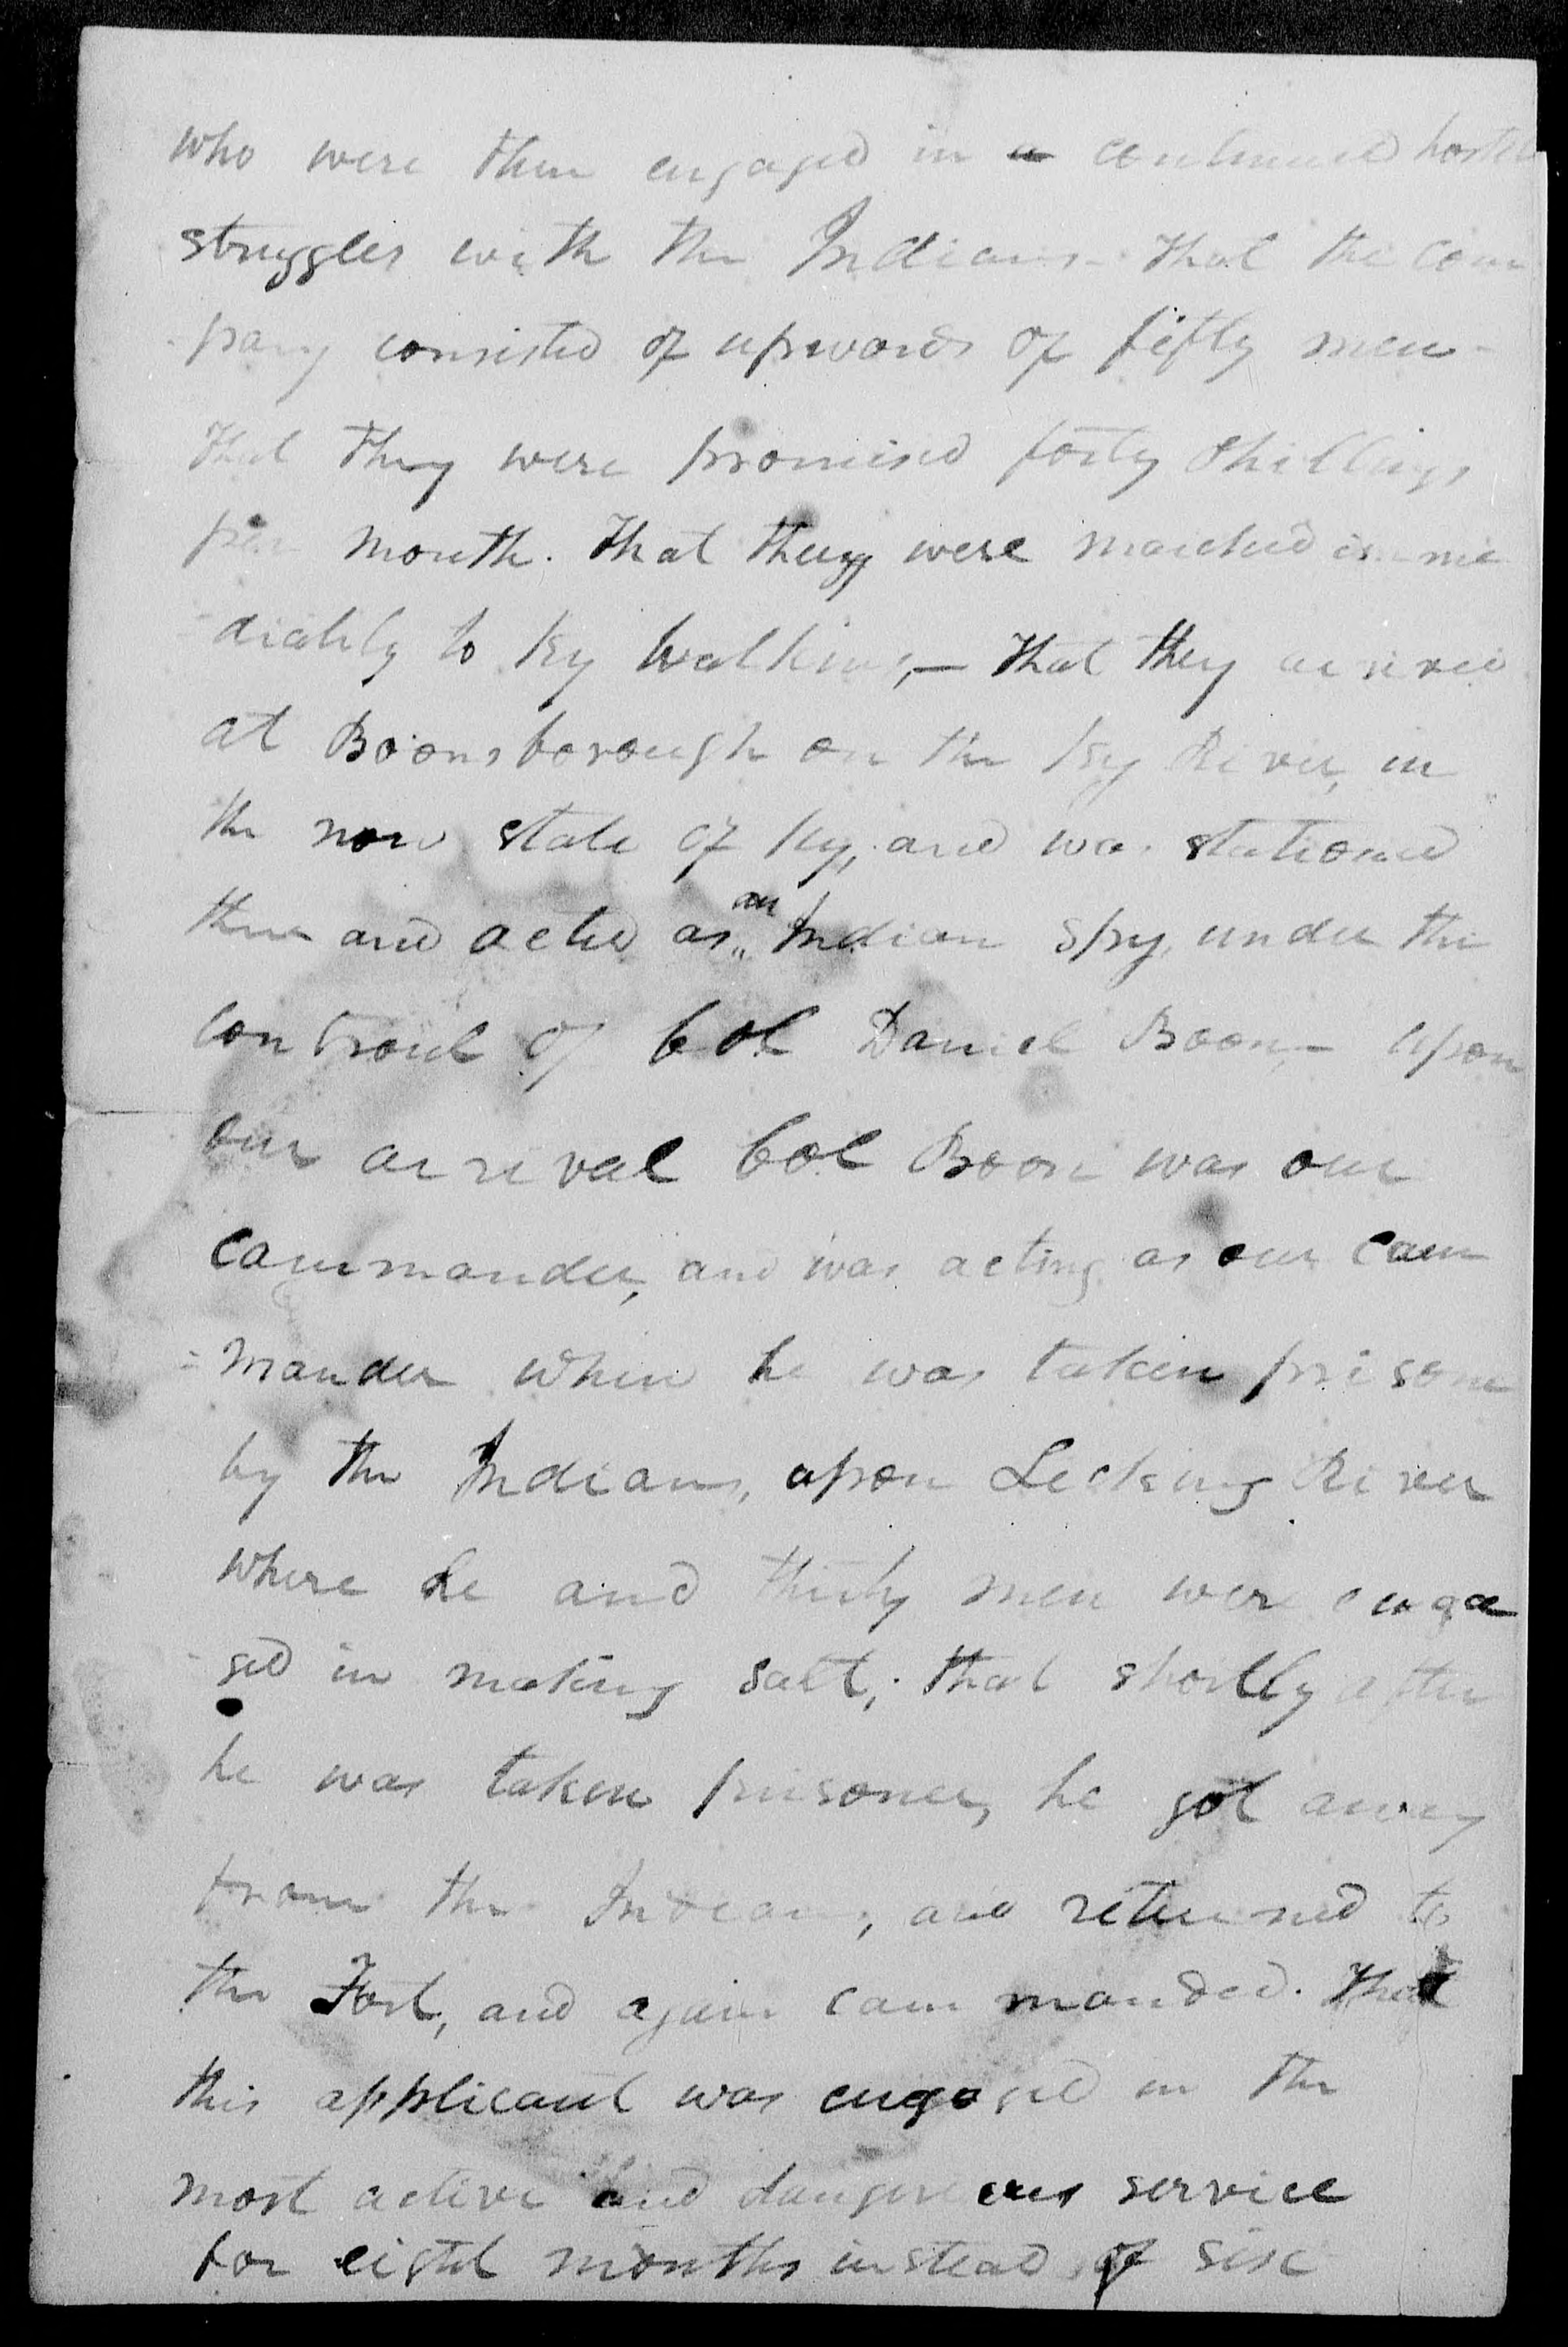who were then engaged in continued hostile struggles with the Indians that the company consisted of upwards of fifty men, that they were promised forty shillings per month. That they were marched amicably to Ky walking - that they arrived at Boons borough on the Ky river, in the new state of Ky, and were stationed there and active as an Indian spy under the command of Col. Daniel Boone. Upon our arrival Col Boone was our Commander and was acting as our commander when he was taken prisoner by the Indians, upon Licking River where he and thirty men were engaged in making salt; that shortly after he was taken prisoner, he got away from the Indians and ventured to the Fort and again commanded. That this applicant was engaged in the most active and dangerous service for eight months instead of six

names: Boon, Daniel Boon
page: 7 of 65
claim: widow's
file: W. 8384, Arabia Brown, Va.